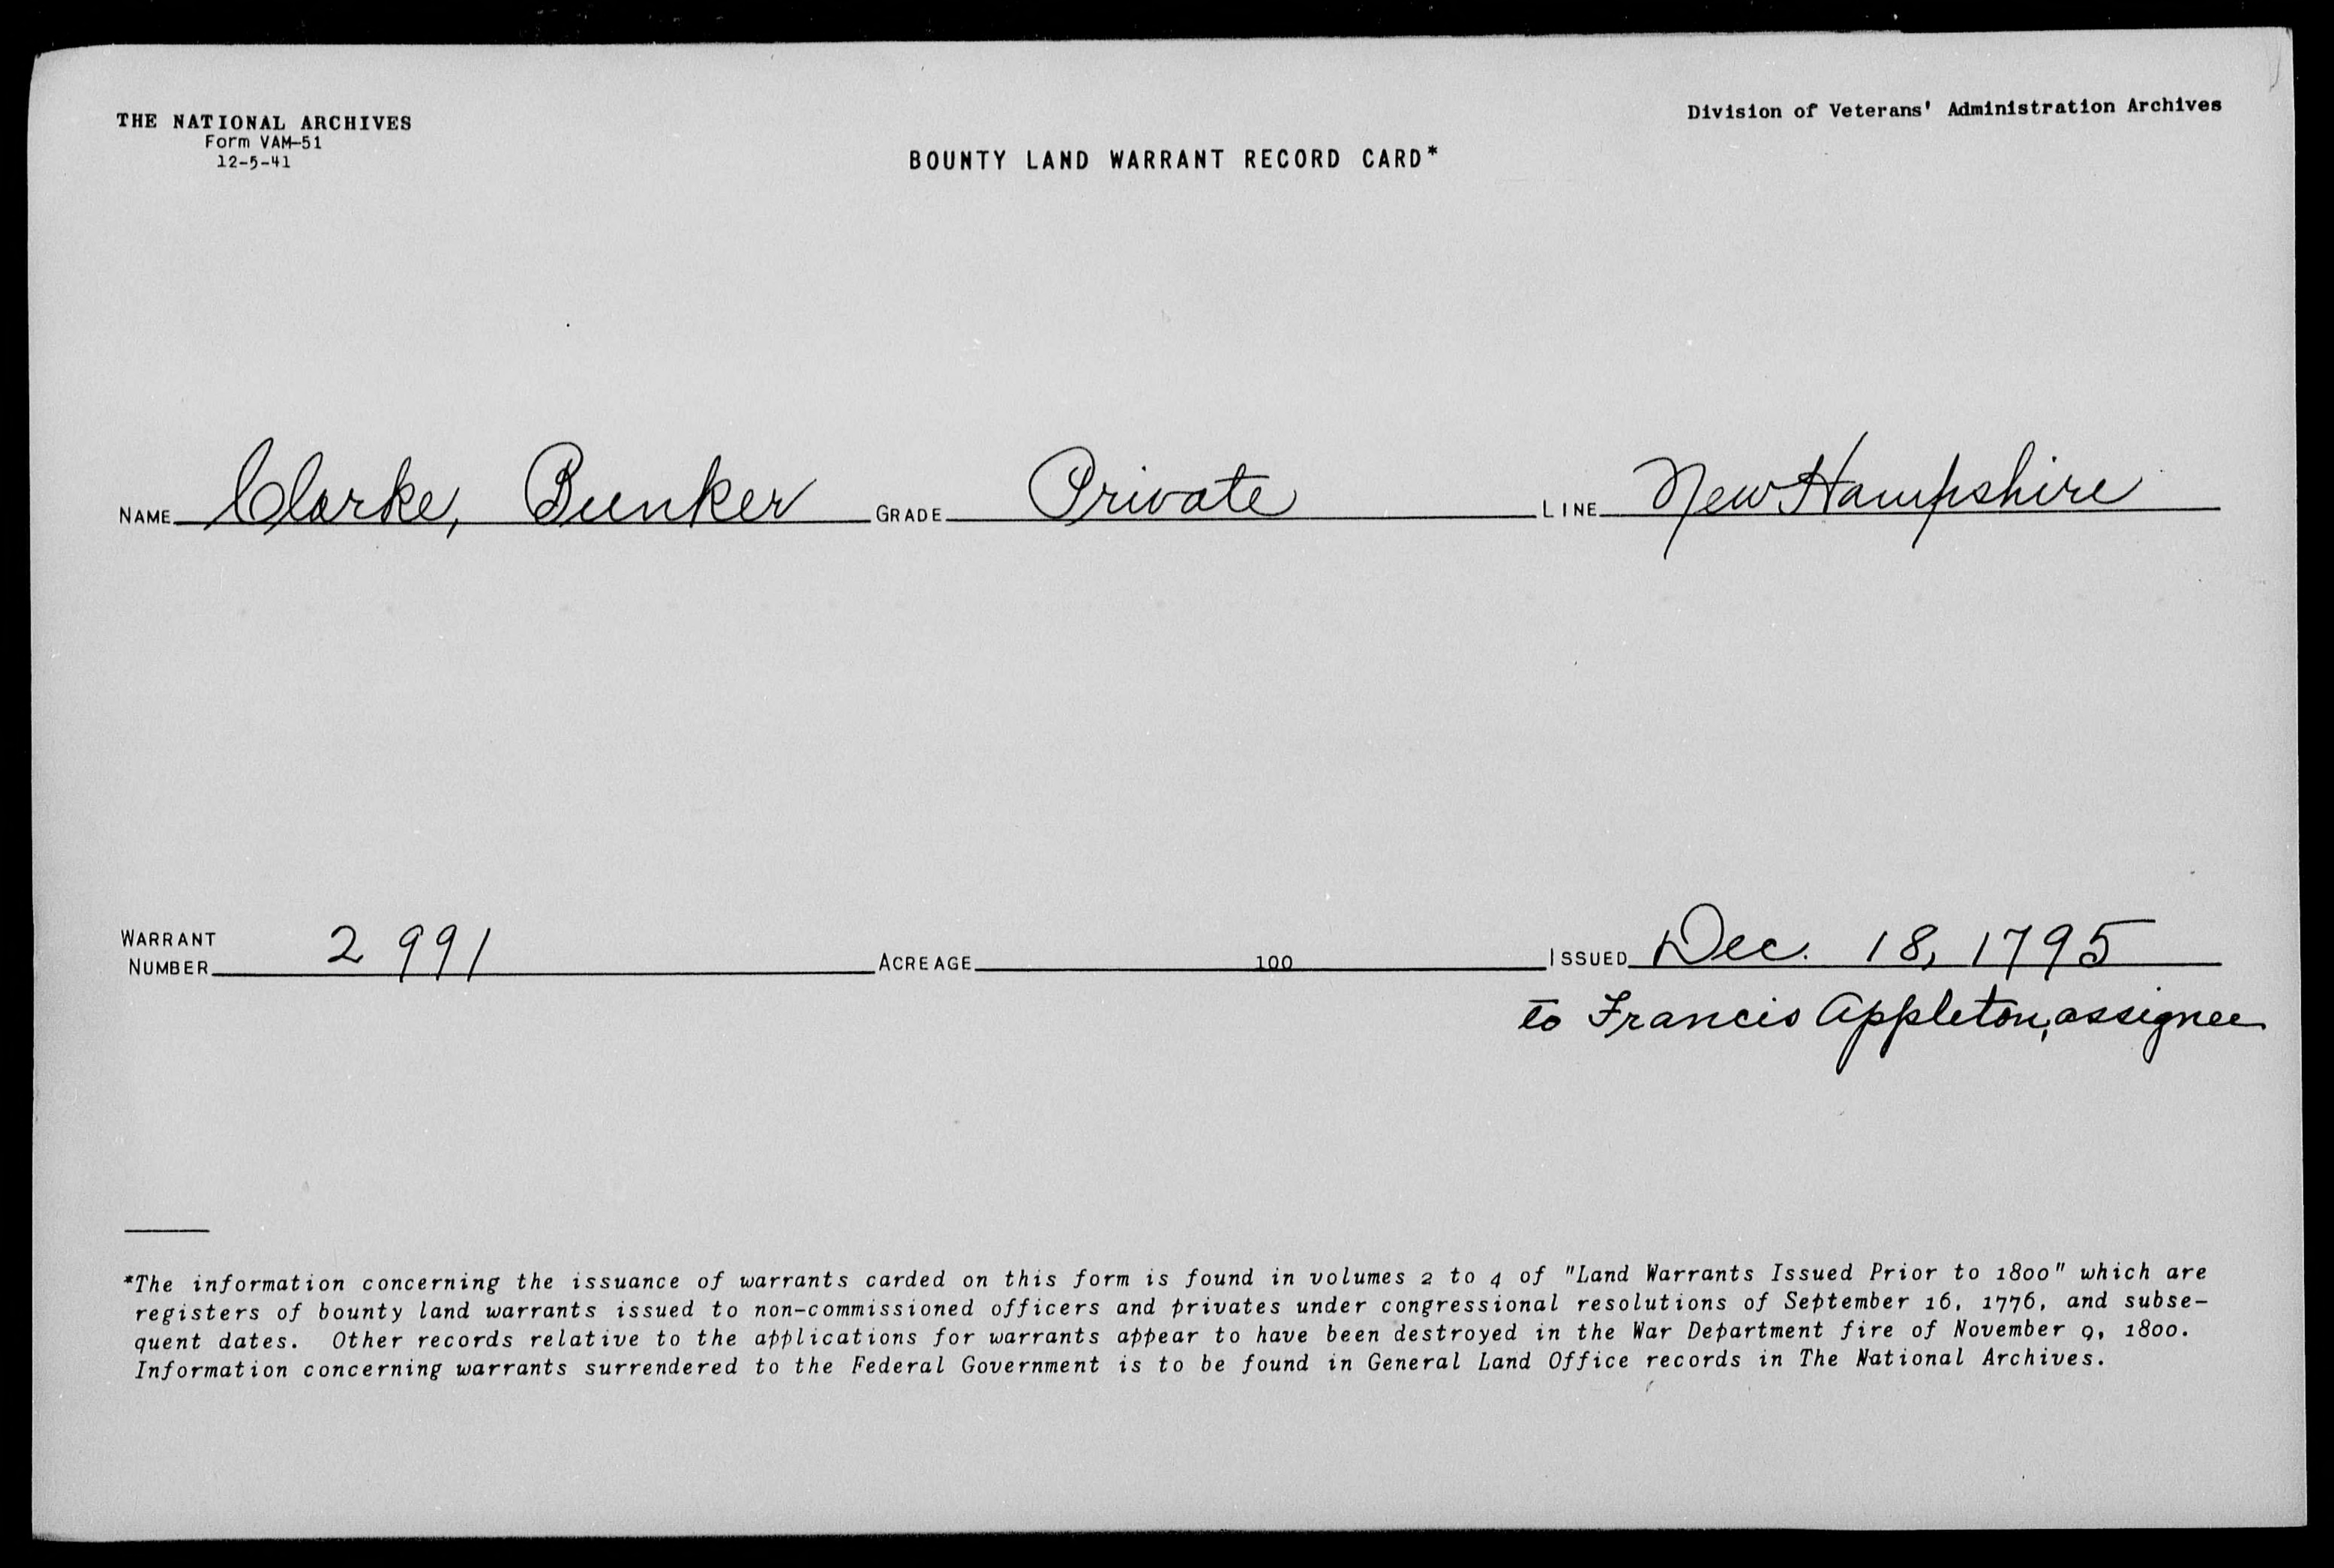The National Archives
Form VAN-51
12-3-41
Division of Veterans' Administration Archives
Bounty Land Warrant Record Card*
Name Clarke, Bunker Grade Private Line New Hampshire
Warrant Number2991 Acreage 100 Issued Dec. 18, 1795 to Francis Appleton, assignee

*The information concerning the issuance of warrants carded on this form is found in volumes 2 to 4 of "Land Warrants Issued Prior to 1800" which are registers of bounty land warrants issued to non-commissioned officers and privates under congressional resolutions of September 16, 1776, and subsequent dates. Other records relative to the applications for warrants appear to have been destroyed in the War Department fire of November 9, 1800. Information concerning warrants surrendered to the Federal Government is to be found in General Land Office records in The National Archives.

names: Bunker Clarke, Francis Appleton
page: 48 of 48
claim: widow's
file: W. 17,628, Arnold Clarke, R.I.